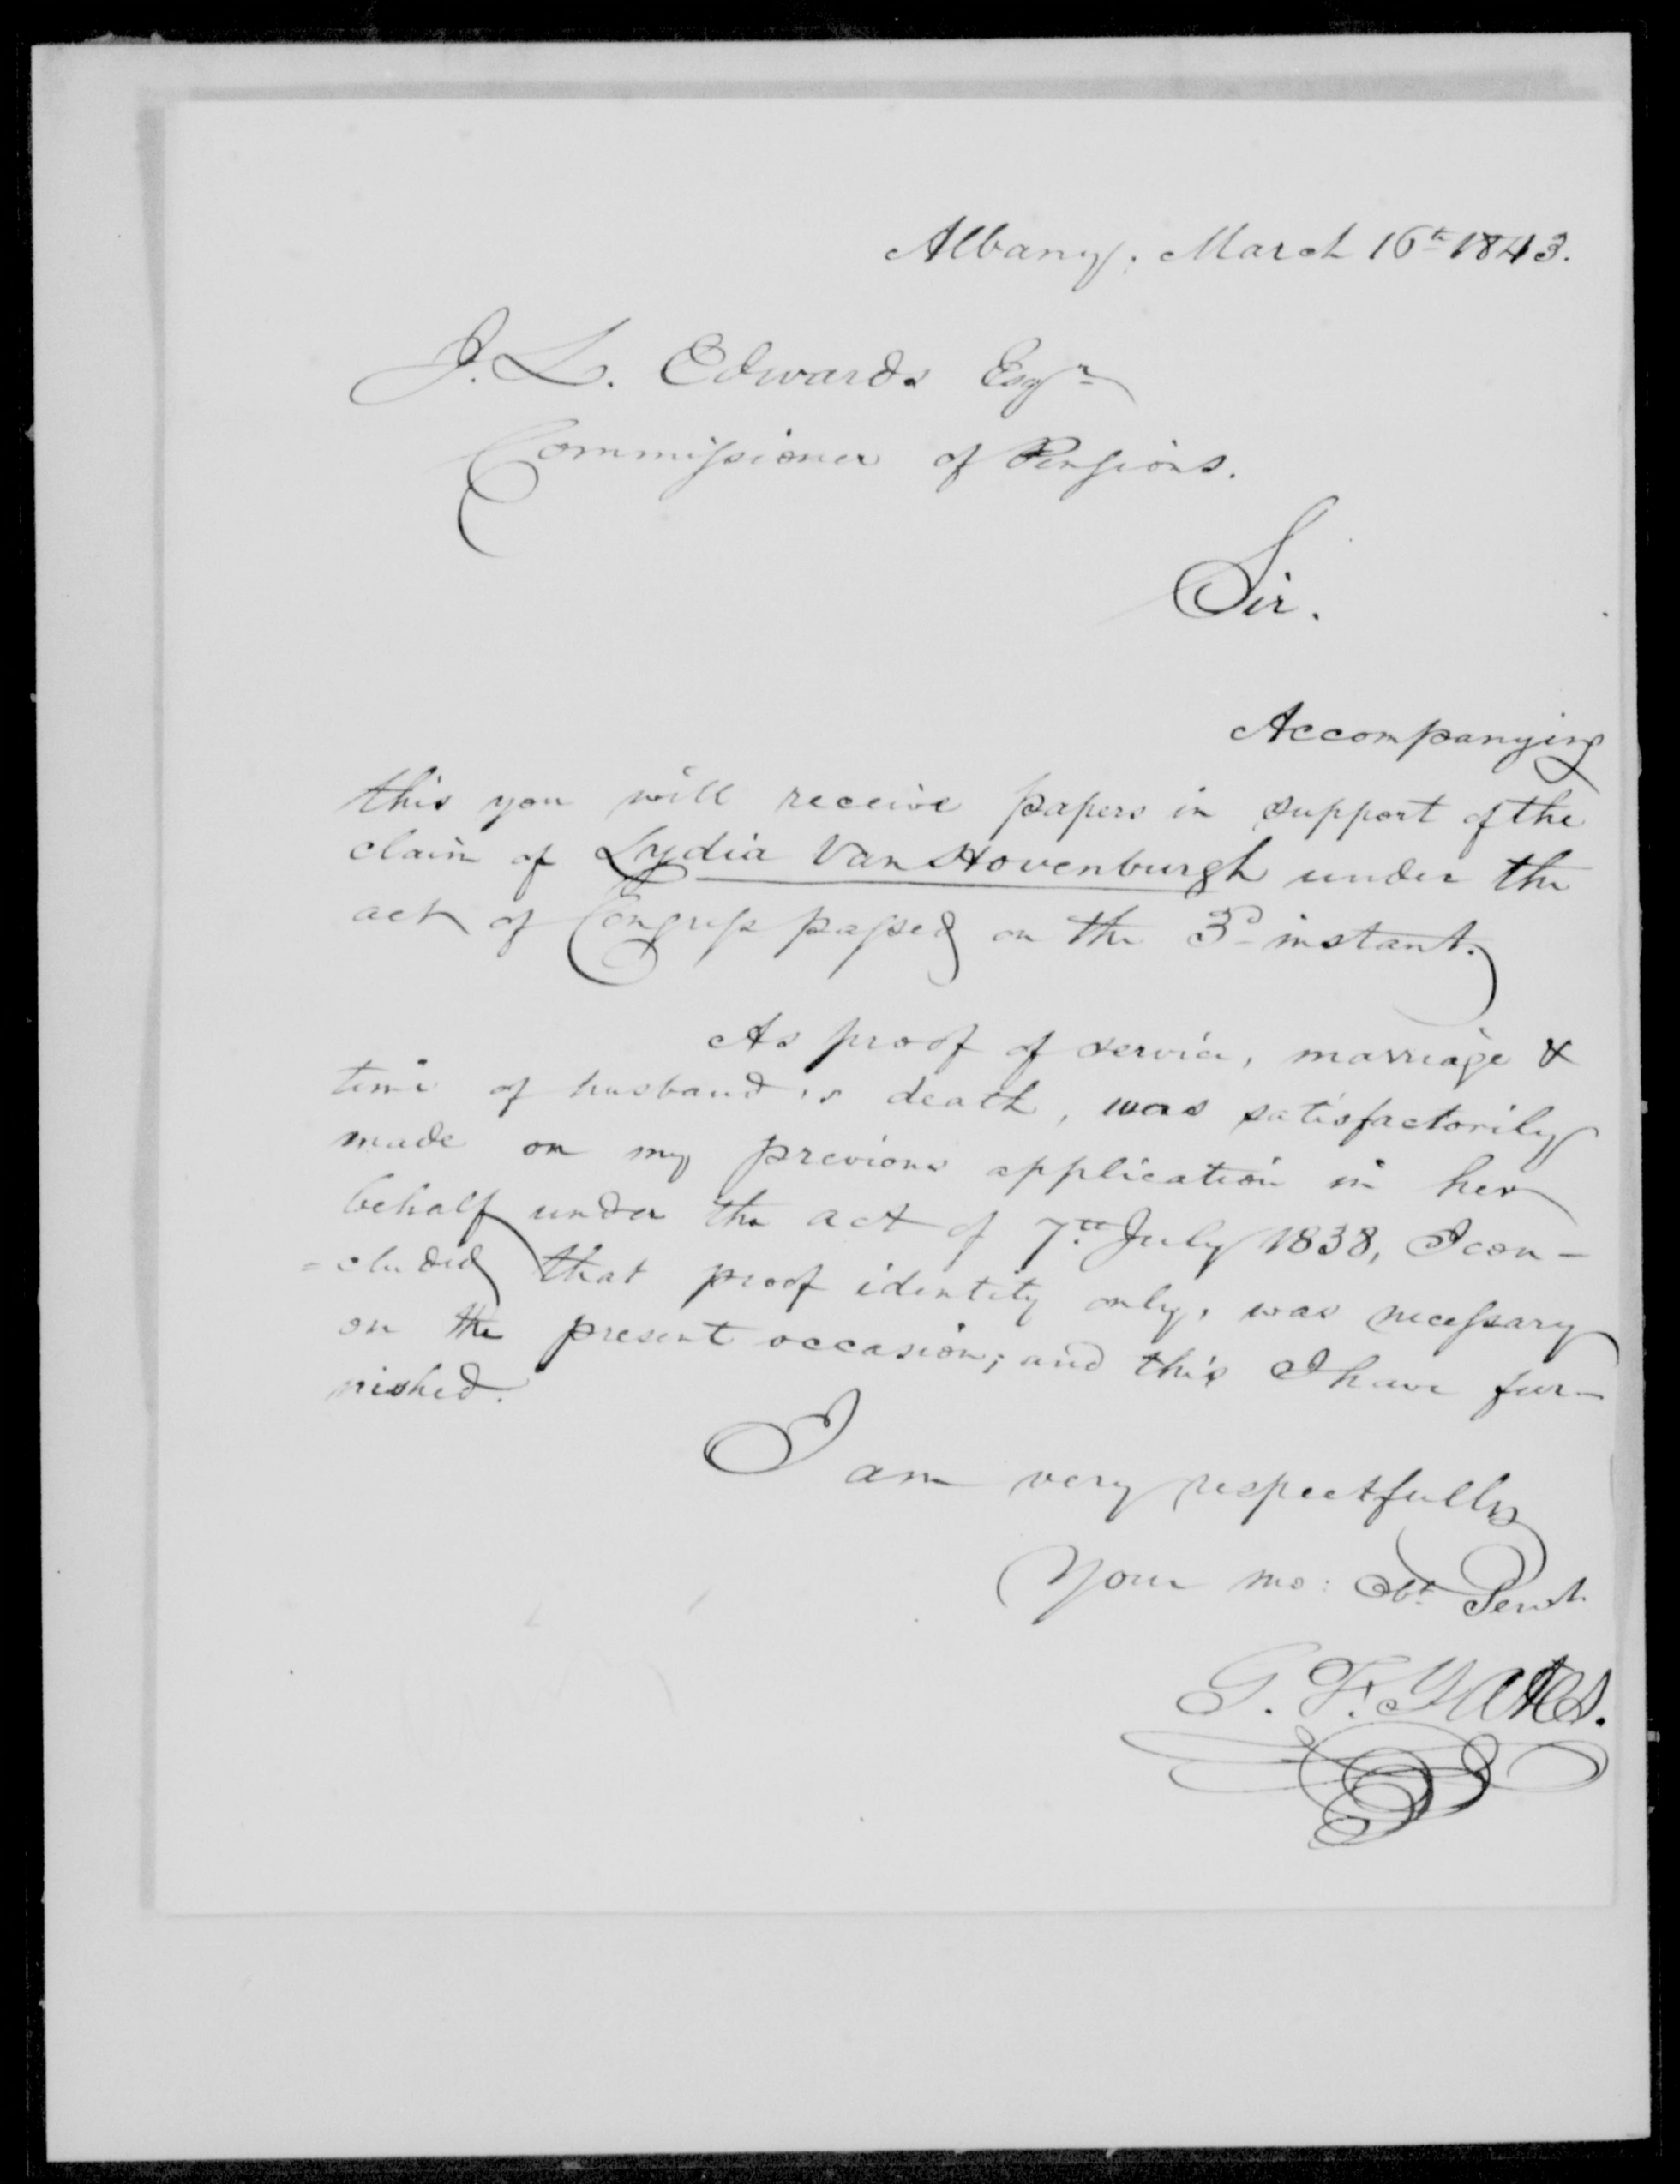Albany March 16th 1843
J. L. Edwards Esqr
Commissioner of Pensions
Sir.
Accompanying this you will receive papers in support of the claim of Lydia Van Hovenburgh under the act of Congress passed on the 3d instant.
As proof of service, marriage & time of husbands death, was satisfactorily made on my previous application in her behalf under the act of 7th July 1838, I concluded that proof identity only, was necessary on the present occasion; and this I have furnished.
I am very respectfully
Your mo. obt. servnt
G. F. Yates.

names: Lydia Van Hovenburgh, G F Yates, J L Edwards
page: 31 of 38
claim: widow's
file: W. 23324, Rudolphus Van Hoevenbergh, New York